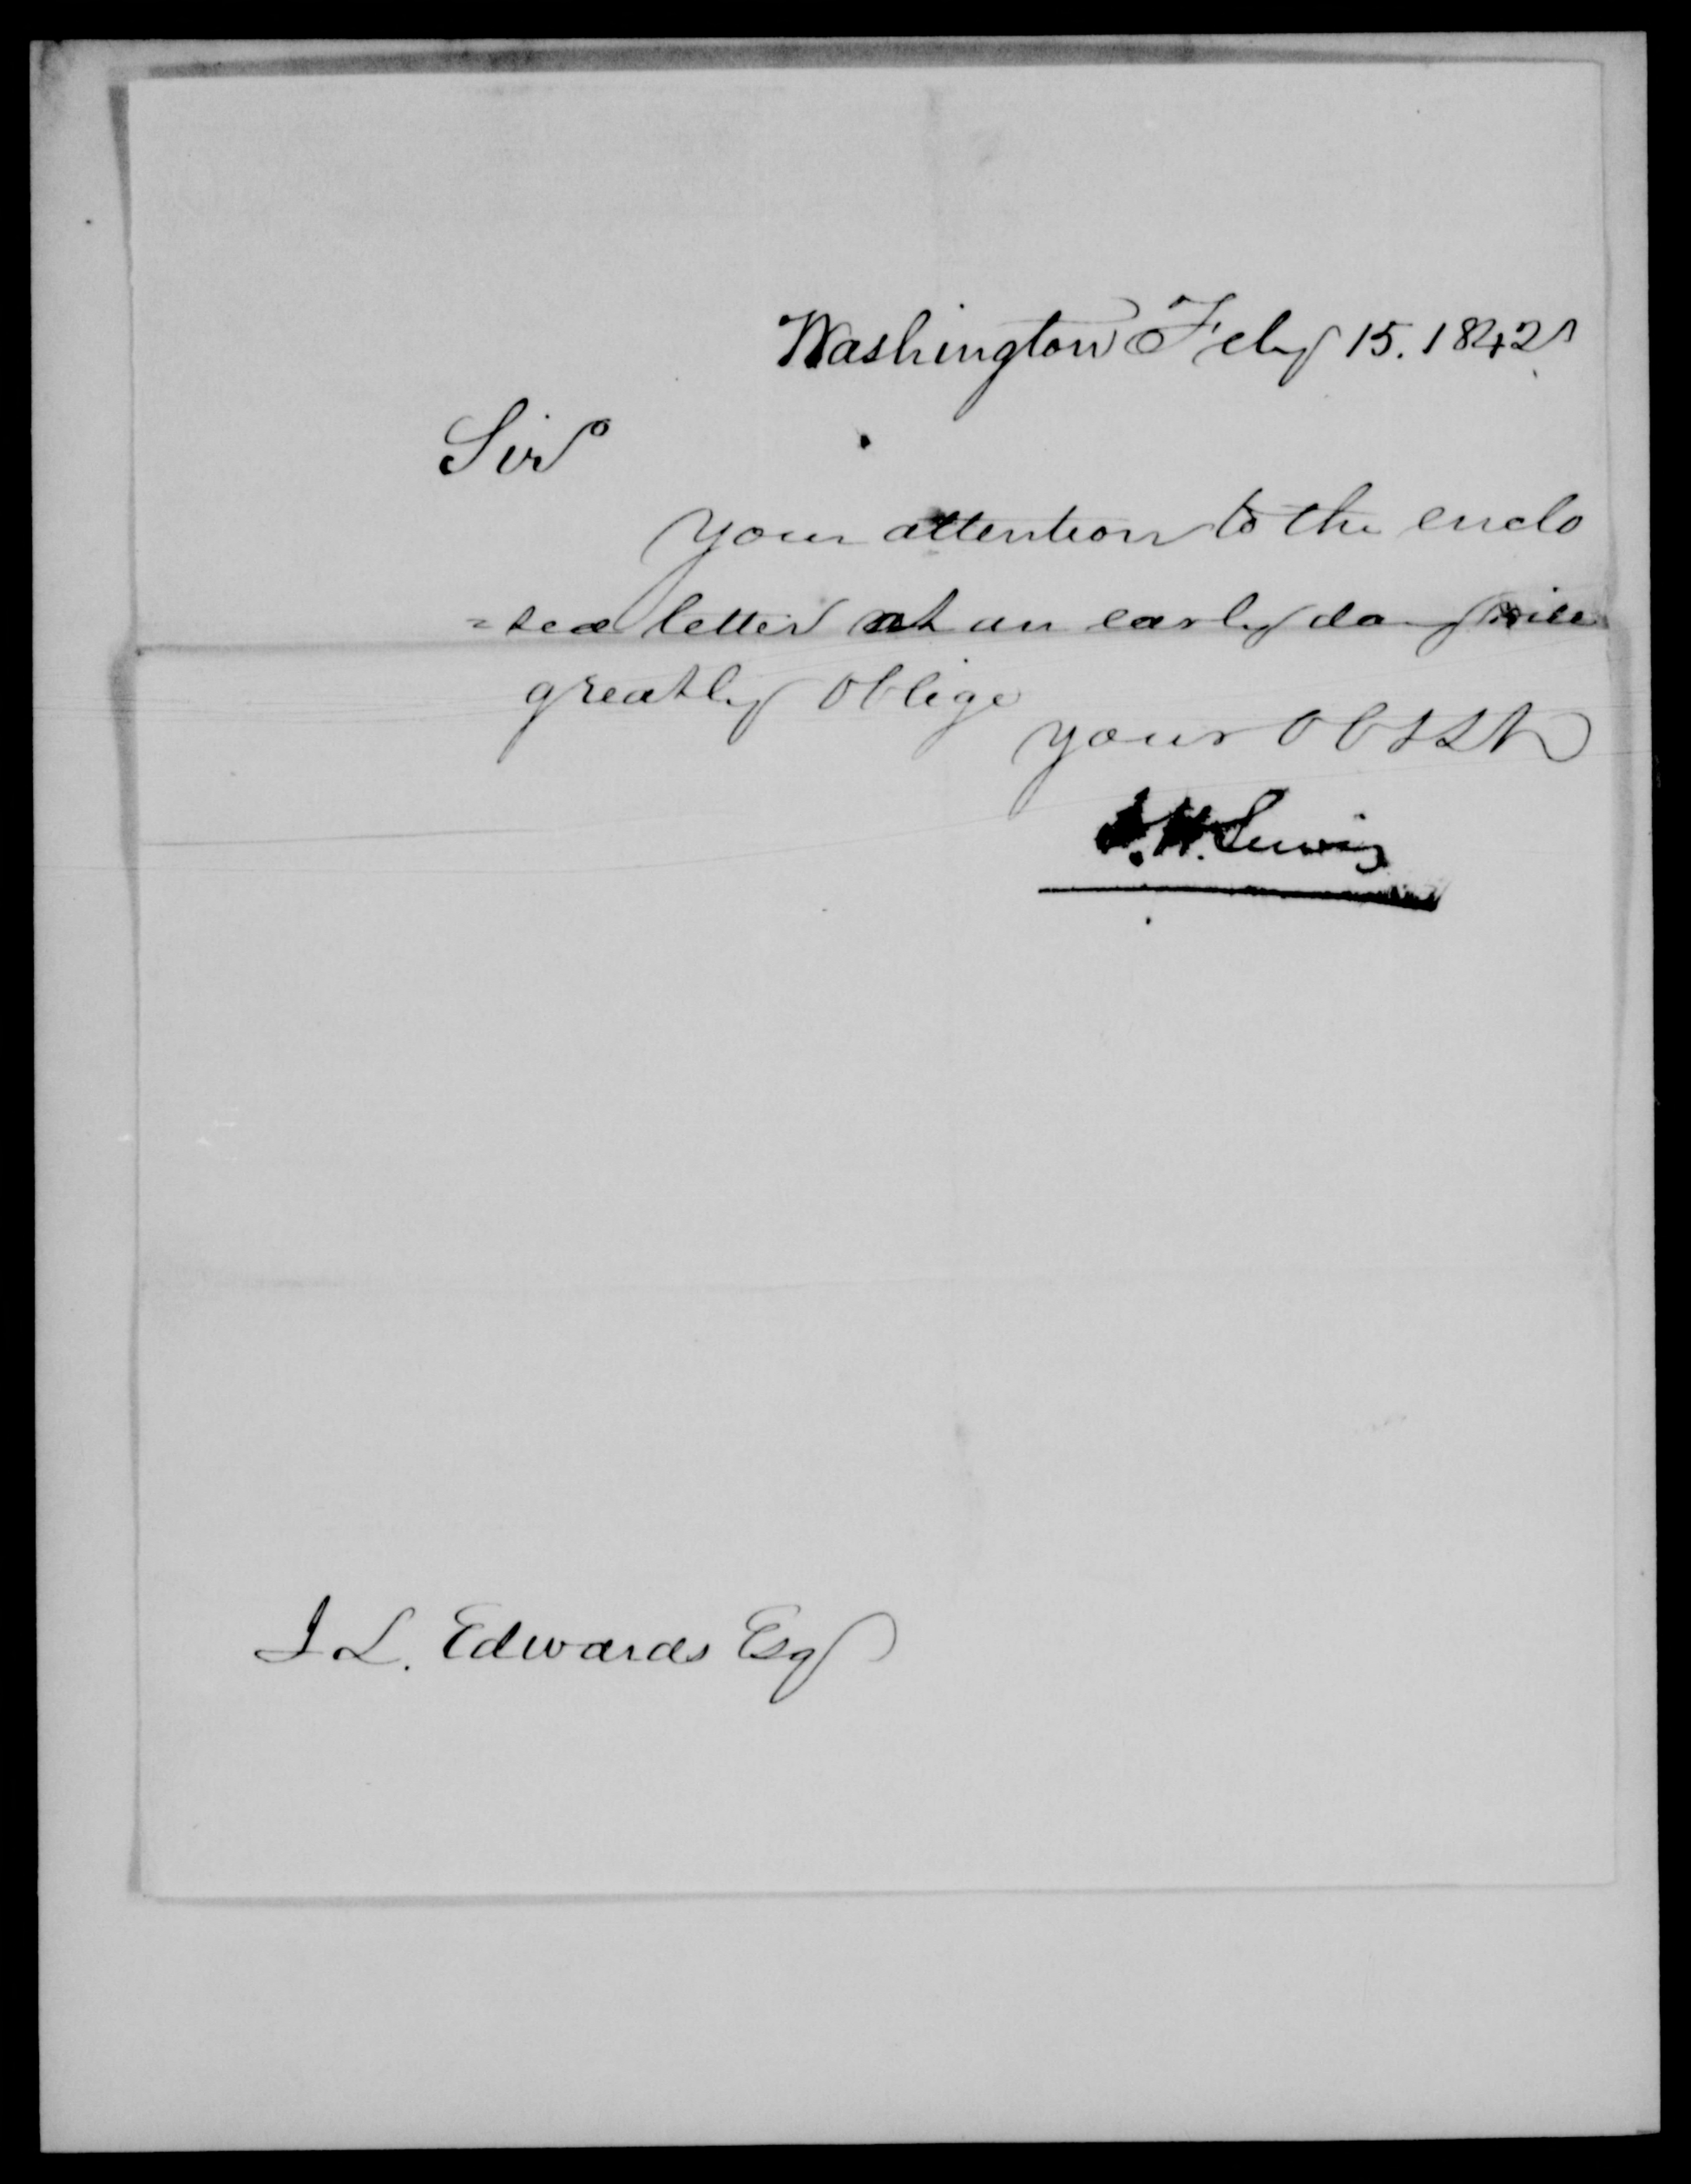Washington Feby 15. 1842
Sir
Your attention to the enclosed
letter and an early da[illegible]
greatly oblige
your 
D.H. Lewis

J. L. Edwards Esq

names: D H Lewis, J L Edwards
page: 23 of 23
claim: survivor's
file: S. 32559, Charles Tuggle, Va.